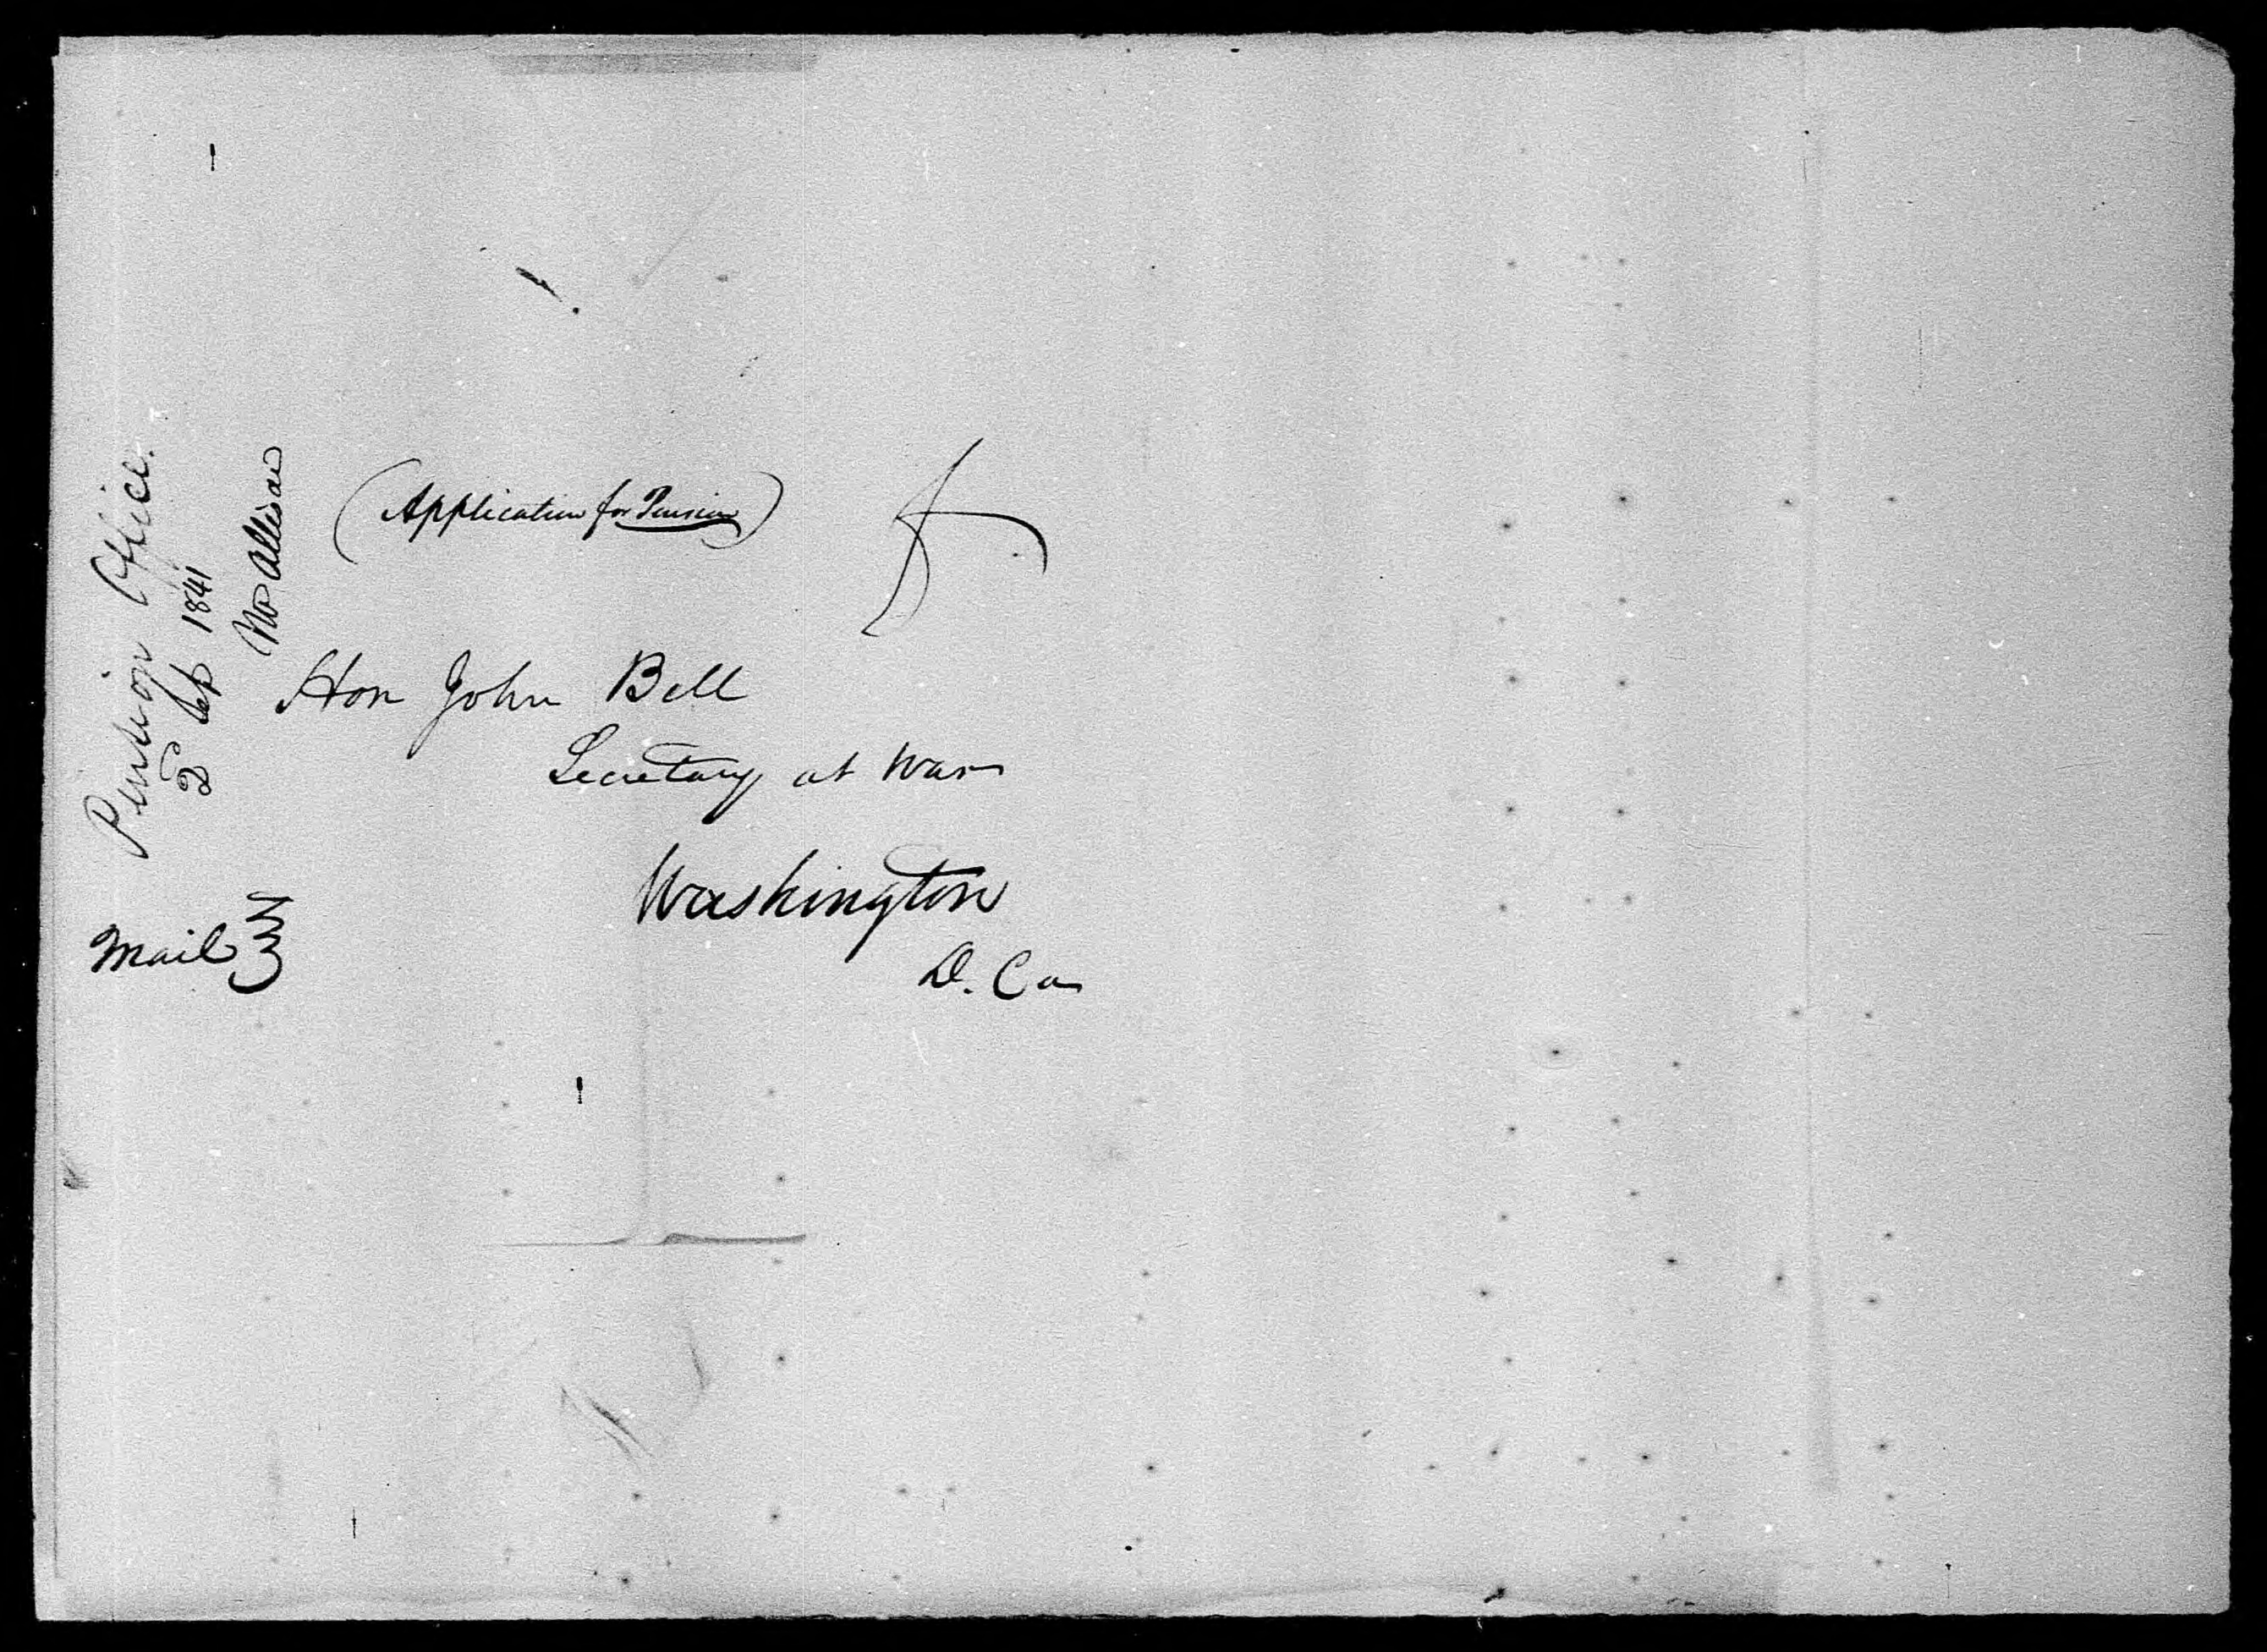(Application for Pension)

Hon John Bell 
Secretary at War Washington D. C.

Mail}

[written sideways] Pension Office 2d [2nd] Sep [September] 1841 No [Illegible]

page: 16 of 19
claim: rejected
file: R. 5442, for Samuel Hutchison, Virginia